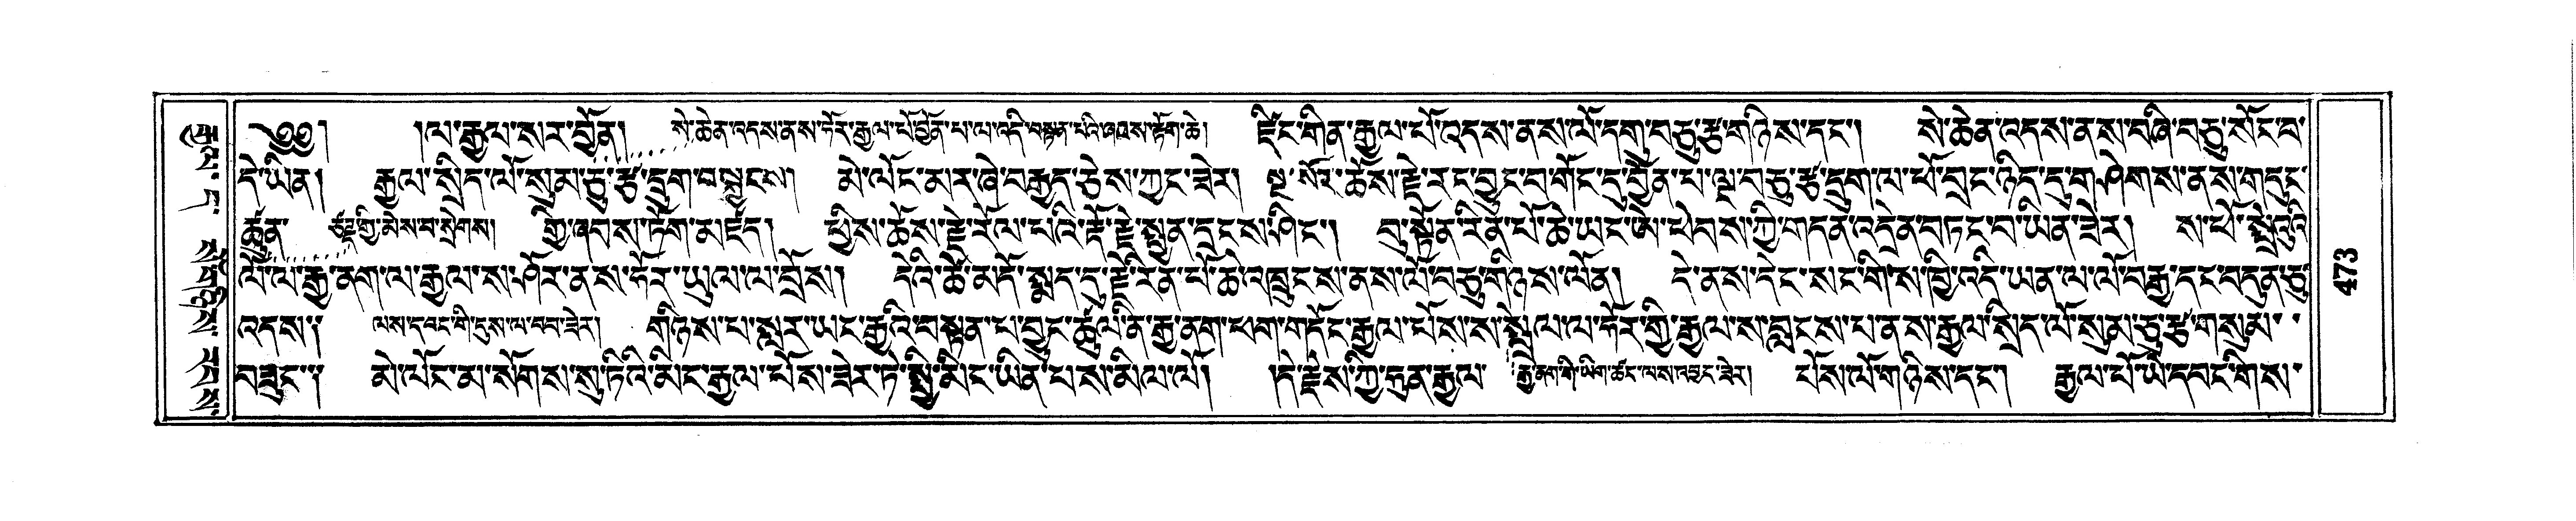༄༅། །ལ་རྒྱལ་སར་བྱོན། སེ་ཆེན་འདས་ནས་ཧོར་རྒྱལ་པོ་བྱོན་པ་ལ་འདི་བསྟན་པའི་ཞབས་རྟོག་ཆེ།  ཛིང་གིན་རྒྱལ་པོ་འདས་ནས་ལོ་དགུ་བཅུ་རྩ་གཉིས་དང་། སེ་ཆེན་འདས་ནས་བཞི་བཅུ་སོང་བ་
དེ་ཡིན། རྒྱལ་སྲིད་ལོ་སུམ་ཅུ་རྩ་དྲུག་བསྐྱངས། མེ་ལོང་མར་ཞེ་བརྒྱད་ཅེས་ཀྱང་ཟེར། སྔ་སོར་ཆོས་རྗེ་རང་བྱུང་བ་གོང་དུ་བྱོན་པ་ལྔ་བཅུ་རྩ་དྲུག་ལ་ཕོ་བྲང་ཉིད་དུ་གཤེགས་ནས་གདུང་
ཚུན་ཙཌྡ?་གྱི་མེས་བ་སྲེགས།  གྱི་ཞབས་ཏོག་མཛད། ཕྱིས་ཆོས་རྗེ་རོལ་པའི་རྡོ་རྗེ་སྤྱན་དྲངས་ཤིང་། བུ་སྟོན་རིན་པོ་ཆེ་ཡང་ཨེ་ཕེབས་ཀྱི་གདན་འདྲེན་བཏང་བ་ཡིན་ཟེར། ས་ཕོ་སྤྲེའུའི་
ལོ་ལ་རྒྱ་ནག་ལ་རྒྱལ་ས་ཤོར་ནས་ཧོར་ཡུལ་ལ་བྲོས། དེའི་ཚེ་མདོ་སྨད་དུ་རྗེ་རིན་པོ་ཆེ་འཁྲུངས་ནས་ལོ་བཅུ་གཉིས་ལོན། དེ་ནས་དེང་སང་གི་ས་ཁྱི་འདི་ཡན་ལ་ལོ་བརྒྱ་དང་བདུན་ཅུ་
འདས༑ ལས་དབང་གི་དུས་ལ་བབ་ཟེར།  གཉིས་པ་སླར་ཡང་རྒྱའི་བསྟན་པ་བྱུང་ཚུལ་ནི་རྒྱ་ནག་ཕག་གདོང་རྒྱལ་པོས་ས་སྤྲེལ་ལ་ཧོར་གྱི་རྒྱལ་ས་བླངས་པ་ནས་རྒྱལ་སྲིད་ལོ་སུམ་ཅུ་རྩ་གསུམ་
བཟུང༑ མེ་ལོང་མ་སོགས་སུ་ཏིའི་མིང་རྒྱལ་པོས་ཟེར་ཏེ་སྤྱི་མིང་ཡིན་པས་མིལ་ལོ། །དེ་རྗེས་ཀྱི་ཧུན་རྒྱལ་རྒྱ་ནག་གི་ཡིག་ཚང་ལས་འབྱང་ཟེར།  པོས་ལོ་གཉིས་དང་། རྒྱལ་པོ་ཡེ་དབང་གིས་